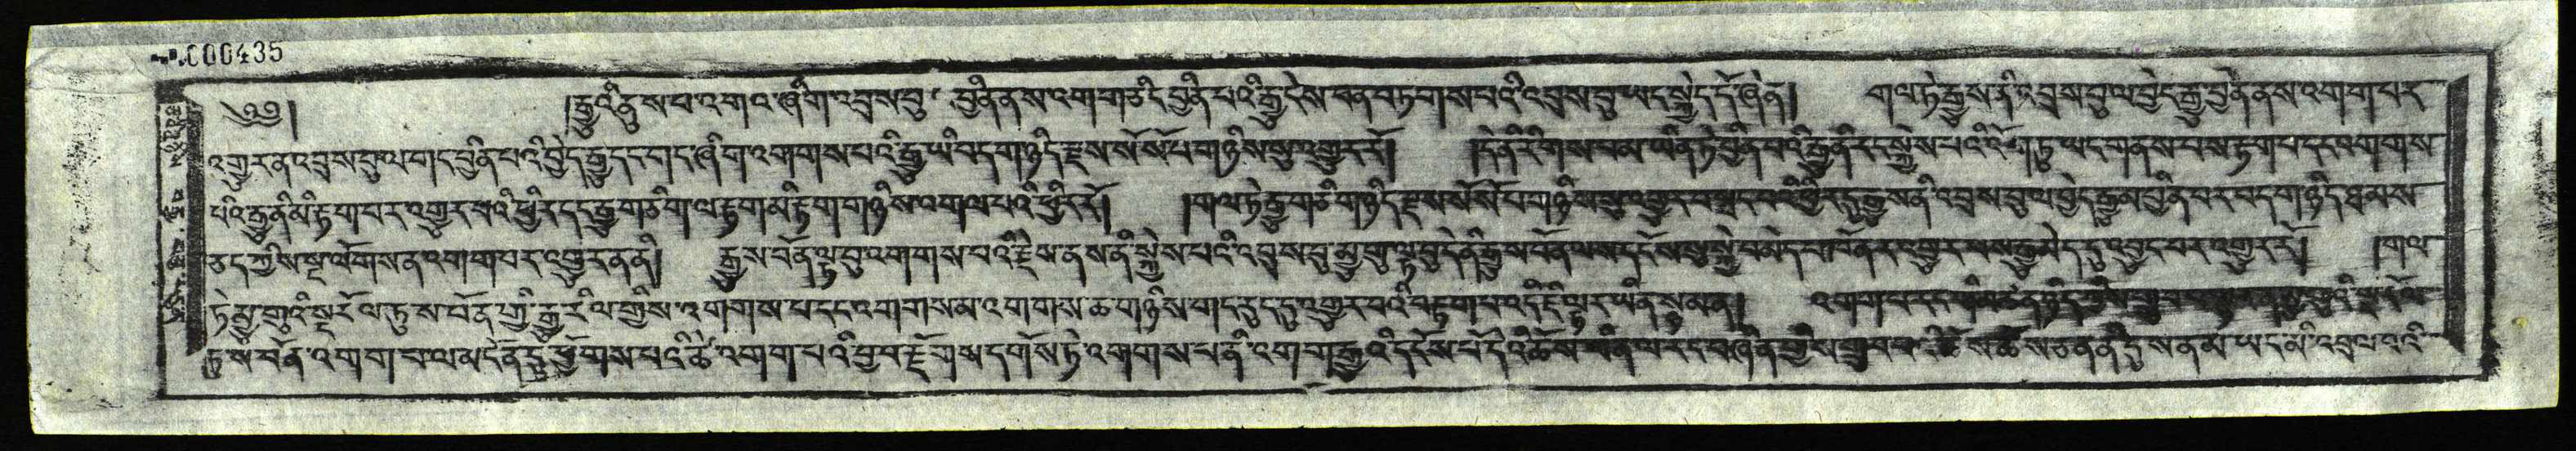༄༅། །རྒྱུའི་ནུས་པ་འགའ་ཞིག་འབྲས་བུ་འབྱིན་ནས་འགག་ཅིང་བྱིན་པའི་རྒྱུ་ངེས་ཕན་བཏགས་པའི་འབྲས་བུ་ཡང་སྐྱེད་དོ་ཞེ་ན། གལ་ཏེ་རྒྱུས་ནི་འབྲས་བུ་ལ་བྱེད་རྒྱུ་བྱིན་ནས་འགག་པར་
འགྱུར་ན་འབྲས་བུ་ལ་གང་བྱིན་པའི་བྱེད་རྒྱུ་དང་གང་ཞིག་འགགས་པའི་རྒྱུ་ཡི་བདག་ཉིད་རྫས་སོ་སོ་པ་གཉིས་སུ་འགྱུར་རོ། །དེ་ནི་རིགས་པ་མ་ཡིན་ཏེ་བྱིན་པའི་རྒྱུ་ནི་རང་སྐྱེས་པའི་འོག་ཏུ་ཡང་གནས་པས་རྟག་པ་དང་འགགས་
པའི་རྒྱུ་ནི་མི་རྟག་པར་འགྱུར་པའི་ཕྱིར་དང་རྒྱུ་གཅིག་ལ་རྟག་མི་རྟག་གཉིས་འགལ་པའི་ཕྱིར་རོ། །གལ་ཏེ་རྒྱུ་གཅིག་ཉིད་རྫས་སོ་སོ་པ་གཉིས་སུ་འགྱུར་པ་སྤང་བའི་ཕྱིར་དུ་རྒྱུས་ནི་འབྲས་བུ་ལ་བྱེད་རྒྱུ་མ་བྱིན་པར་བདག་ཉིད་ཐམས་
ཅད་ཀྱིས་སྔ་ལོགས་ན་འགག་པར་འགྱུར་ན་ནི། རྒྱུ་ས་བོན་ལྟ་བུ་འགགས་པའི་རྗེས་ནས་ནི་སྐྱེས་པའི་འབྲས་བུ་མྱུ་གུ་ལྟ་བུ་དེ་ནི་རྒྱུ་ས་བོན་ལས་དངོས་སུ་སྐྱེ་བ་མེད་པ་ཁོ་ནར་འགྱུར་པས་རྒྱུ་མེད་དུ་འབྱུང་བར་འགྱུར་རོ། །གལ་
ཏེ་མྱུ་གུའི་སྔ་རོལ་ཏུ་ས་བོན་གྱི་རྒྱུ་རིལ་གྱིས་འགགས་པ་དང་འགགས་མ་འགགས་ཆ་གཉིས་གང་རུང་དུ་འགྱུར་བའི་བརྟག་པ་འདི་ཇི་ལྟར་ཡིན་སྙམ་ན། འགག་པ་རང་གི་མཚན་ཉིད་ཀྱིས་གྲུབ་པ་ལྟར་ན་མྱུ་གུའི་སྔ་རོལ་
ཏུ་ས་བོན་འགག་པ་ལ་མངོན་དུ་ཕྱོགས་པའི་ཚེ་འགག་པའི་བྱ་བ་རྫོགས་དགོས་ཏེ་འགགས་པ་ནི་འགག་རྒྱུའི་དངོས་པོ་དེའི་ཆོས་ཡིན་ལ་རང་བཞིན་གྱིས་གྲུབ་པའི་ཆོས་ཆོས་ཅན་ནི་དུས་ནམ་ཡང་མི་འབྲལ་བའི་